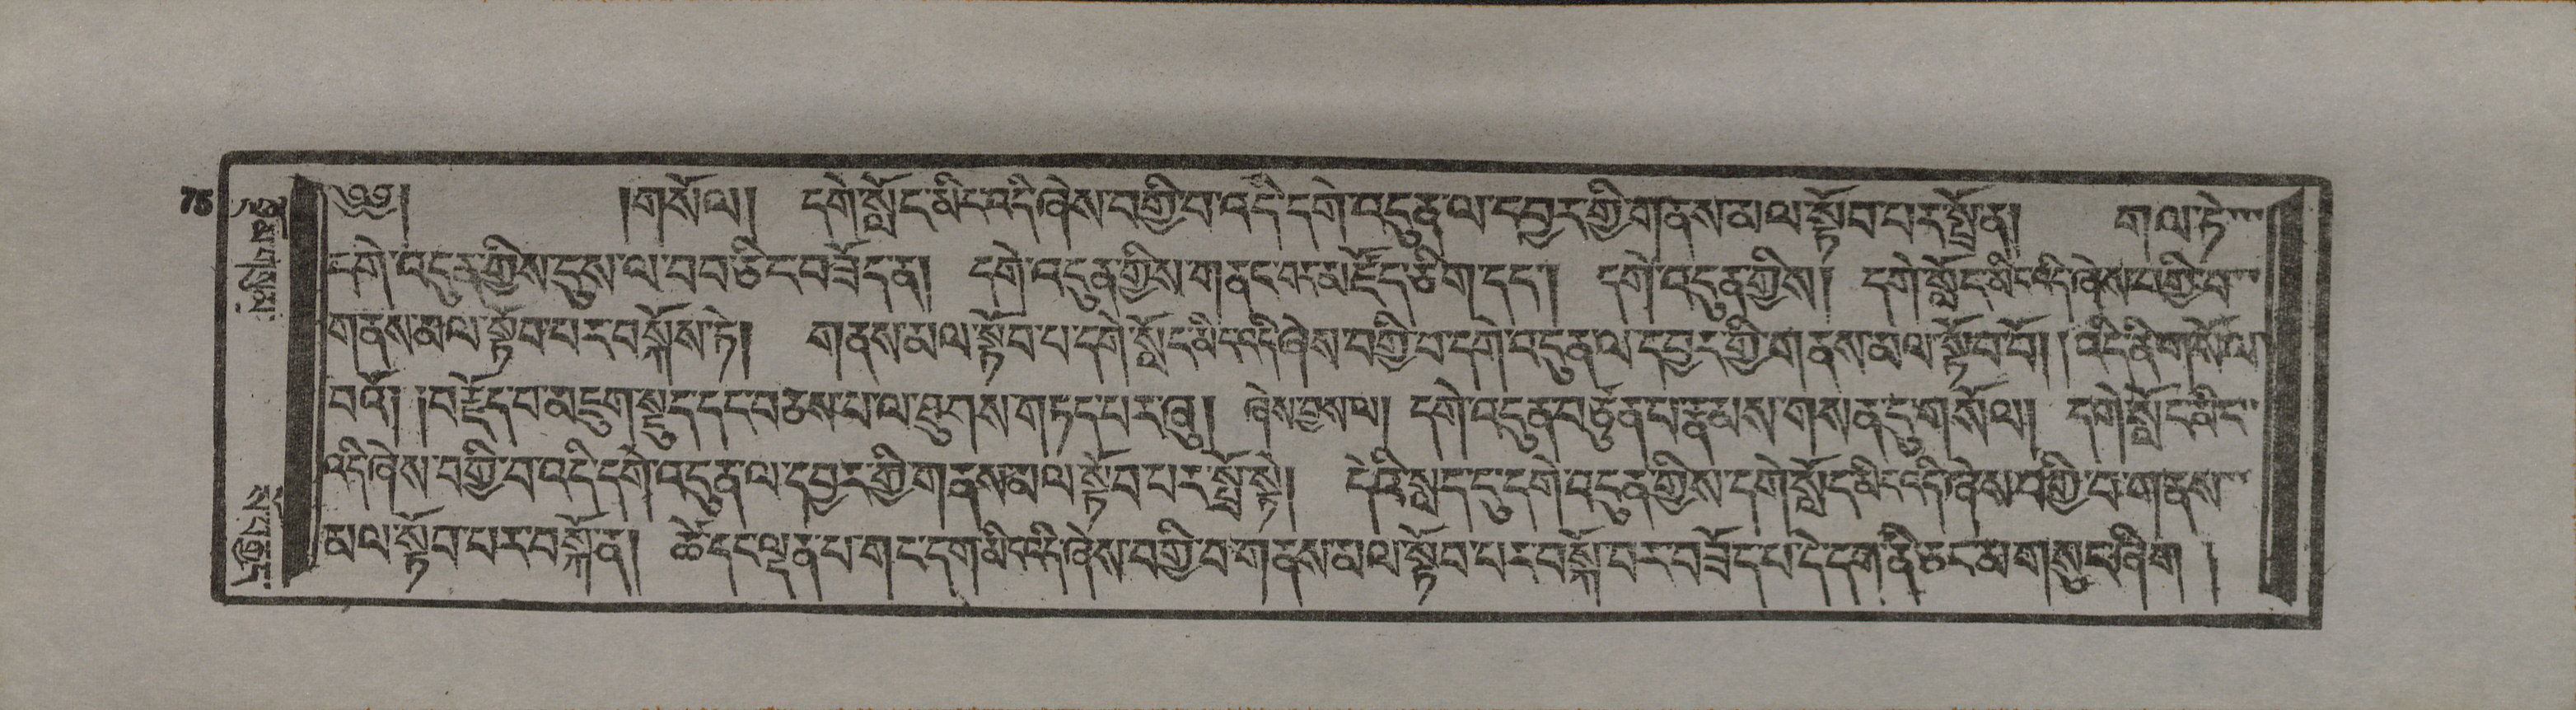༄༅། །གསོལ། དགེ་སློང་མིང་འདི་ཞེས་བགྱི་བ་འདི་དགེ་འདུན་ལ་དབྱར་གྱི་གནས་མལ་སྟོབ་པར་སྤྲོ་ན། གལ་ཏེ་
དགེ་འདུན་གྱིས་དུས་ལ་བབ་ཅིང་བཟོད་ན། དགེ་འདུན་གྱིས་གནང་བར་མཛོད་ཅིག་དང་། དགེ་འདུན་གྱིས། དགེ་སློང་མིང་འདི་ཞེས་བགྱི་བ་
གནས་མལ་སྟོབ་པར་བསྐོས་ཏེ། གནས་མལ་སྟོབ་པ་དགེ་སློང་མིང་འདི་ཞེས་བགྱི་བ་དགེ་འདུན་ལ་དབྱར་གྱི་གནས་མལ་སྟོབ་བོ། །འདི་ནི་གསོལ་
བའོ། །བརྗོད་པ་མཇུག་སྡུད་དང་བཅས་པ་ལ་ཐུགས་གཏད་པར་ཞུ། ཞེས་བྱས་ལ། དགེ་འདུན་བཙུན་པ་རྣམས་གསན་དུ་གསོལ། དགེ་སློང་མིང་
འདི་ཞེས་བགྱི་བ་འདི་དགེ་འདུན་ལ་དབྱར་གྱི་གནས་མལ་སྟོབ་པར་སྤྲོ་སྟེ། དེའི་སླད་དུ་དགེ་འདུན་གྱིས་དགེ་སློང་མིང་འདི་ཞེས་བགྱི་བ་གནས་
མལ་སྟོབ་པར་བསྐོ་ན། ཚེ་དང་ལྡན་པ་གང་དག་མིང་འདི་ཞེས་བགྱི་བ་གནས་མལ་སྟོབ་པར་བསྐོ་བར་བཟོད་པ་དེ་དག་ནི་ཅང་མ་གསུང་ཞིག །